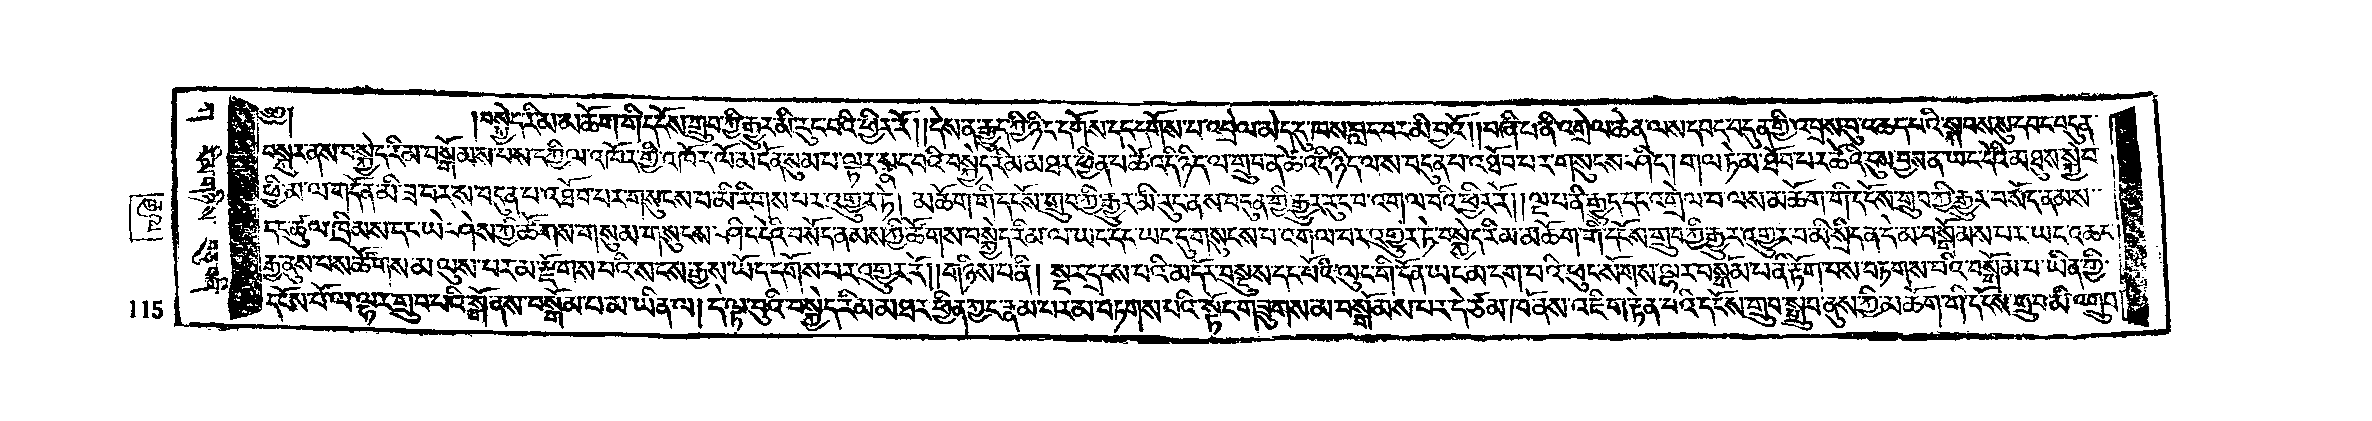༄༅། །བསྐྱེད་རིམ་མཆོག་གི་དངོས་གྲུབ་ཀྱི་རྒྱུར་མི་རུང་བའི་ཕྱིར་རོ། །དེས་ན་རྒྱུད་ཀྱི་ཉིང་དགོས་དང་དགོས་པ་འབྲེལ་མེད་དུ་ཁས་བླང་བར་མི་བྱའོ། །བཞི་པ་ནི་འགྲེལ་ཆེན་ལས་དབང་བདུན་གྱི་འབྲས་བུ་འཆད་པའི་སྐབས་སུ་དབང་བདུན་
བསྐུར་ནས་བསྐྱེད་རིམ་བསྒོམས་པས་དཀྱིལ་འཁོར་གྱི་འཁོར་ལོ་མངོན་སུམ་པ་ལྟར་སྣང་བའི་བསྐྱེད་རིམ་མཐར་ཕྱིན་པ་ཚེ་འདི་ཉིད་ལ་གྲུབ་ན་ཚེ་འདི་ཉིད་ལས་བདུན་པ་འཐོབ་པར་གསུངས་ཤིང་། གལ་ཏེ་མ་ཐོབ་པར་ཚེའི་དུས་བྱས་ན་ཡང་དེའི་མཐུས་སྐྱེ་བ་
ཕྱི་མ་ལ་གདོན་མི་ཟ་བར་ས་བདུན་པ་འཐོབ་པར་གསུངས་པ་མི་རིགས་པར་འགྱུར་ཏེ། མཆོག་གི་དངོས་གྲུབ་ཀྱི་རྒྱུར་མི་རུང་ནས་བདུན་གྱི་རྒྱུར་རུང་བ་འགལ་བའི་ཕྱིར་རོ། །ལྔ་པ་ནི་རྒྱུད་དང་འགྲེལ་པ་ལས་མཆོག་གི་དངོས་གྲུབ་ཀྱི་རྒྱུར་བསོད་ནམས་
དང་ཚུལ་ཁྲིམས་དང་ཡེ་ཤེས་ཀྱི་ཚོགས་གསུམ་གསུངས་ཤིང་དེའི་བསོད་ནམས་ཀྱི་ཚོགས་བསྐྱེད་རིམ་ལ་ཡང་དང་ཡང་དུ་གསུངས་པ་འགལ་བར་འགྱུར་ཏེ་བསྐྱེད་རིམ་མཆོག་གི་དངོས་གྲུབ་ཀྱི་རྒྱུར་འགྱུར་བ་མི་སྲིད་ན་དེ་མ་བསྒོམས་པར་ཡང་འཆད་
རྒྱ་ནུས་པས་ཚོགས་མ་ལུས་པར་མ་རྫོགས་པའི་སངས་རྒྱས་ཡོད་དགོས་པར་འགྱུར་རོ། །གཉིས་པ་ནི། སྔར་དྲངས་པའི་མདོར་བསྡུས་དང་པོའི་ལུང་གི་དོན་ཡང་མ་དག་པའི་ཕུང་སོགས་ལྷར་བསྒོམ་པ་ནི་རྟོག་པས་བཏགས་པའི་བསྒོམ་པ་ཡིན་གྱི་
དངོས་པོ་ལ་ལྷར་གྲུབ་པའི་སྒོ་ནས་བསྒོམ་པ་མ་ཡིན་ལ། དེ་ལྟ་བུའི་བསྐྱེད་རིམ་མཐར་ཕྱིན་ཀྱང་རྣམ་པར་མ་བཏགས་པའི་སྟོང་གཟུགས་མ་བསྒོམས་པར་དེ་ཙམ་ཁོ་ནས་འཇིག་རྟེན་པའི་དངོས་གྲུབ་སྒྲུབ་ནུས་ཀྱི་མཆོག་གི་དངོས་གྲུབ་མི་འགྲུབ་